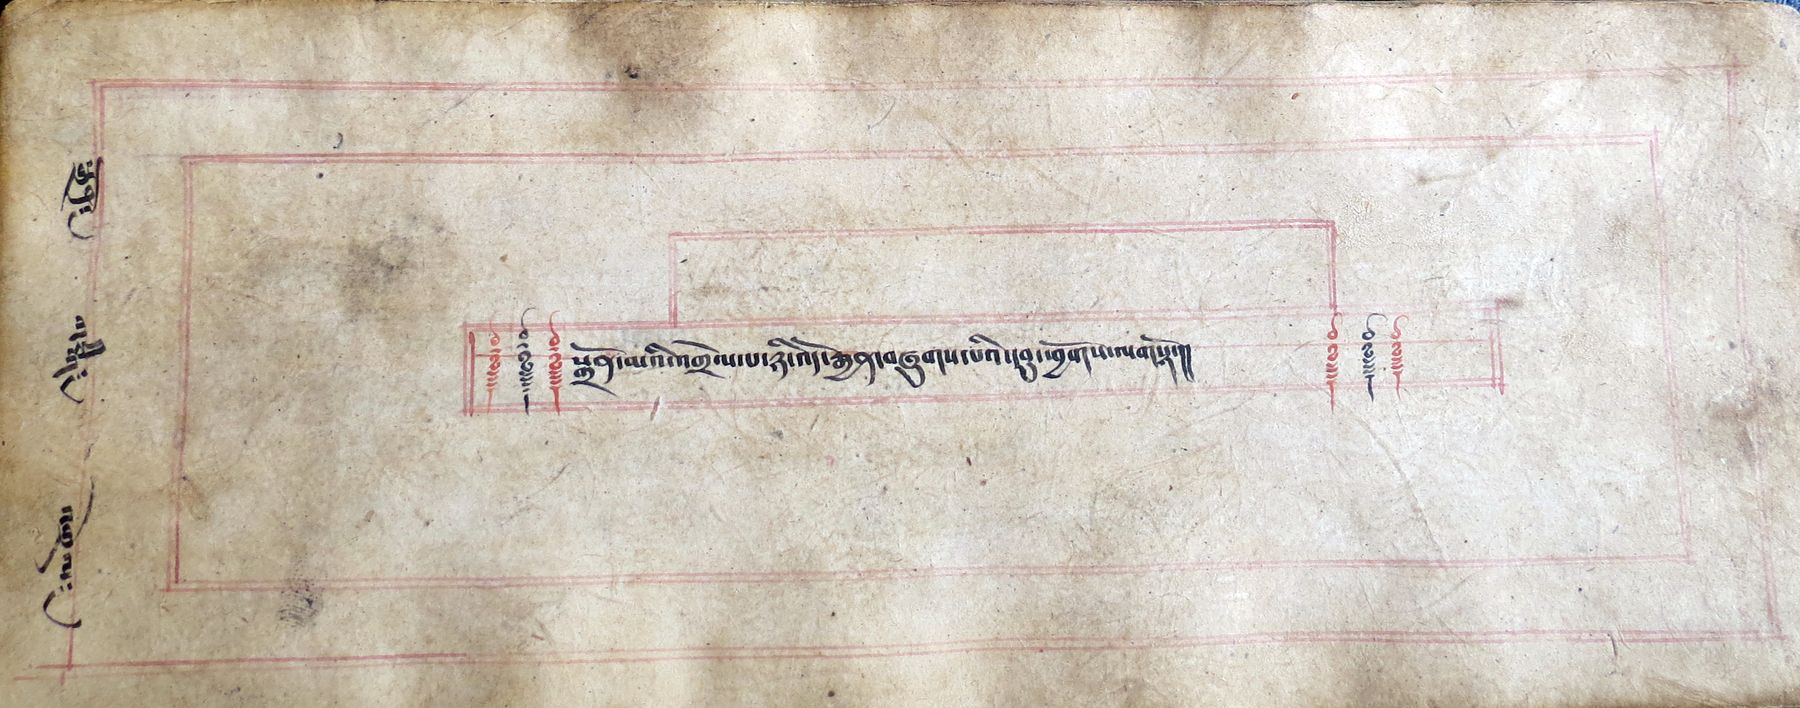སྒྲོན་མའི་འགྲེལ་བ་ཉི་འོད་རྒྱན་བཞུགས་པའི་དབུ་ཕྱོགས་ལེགས་སོ། །